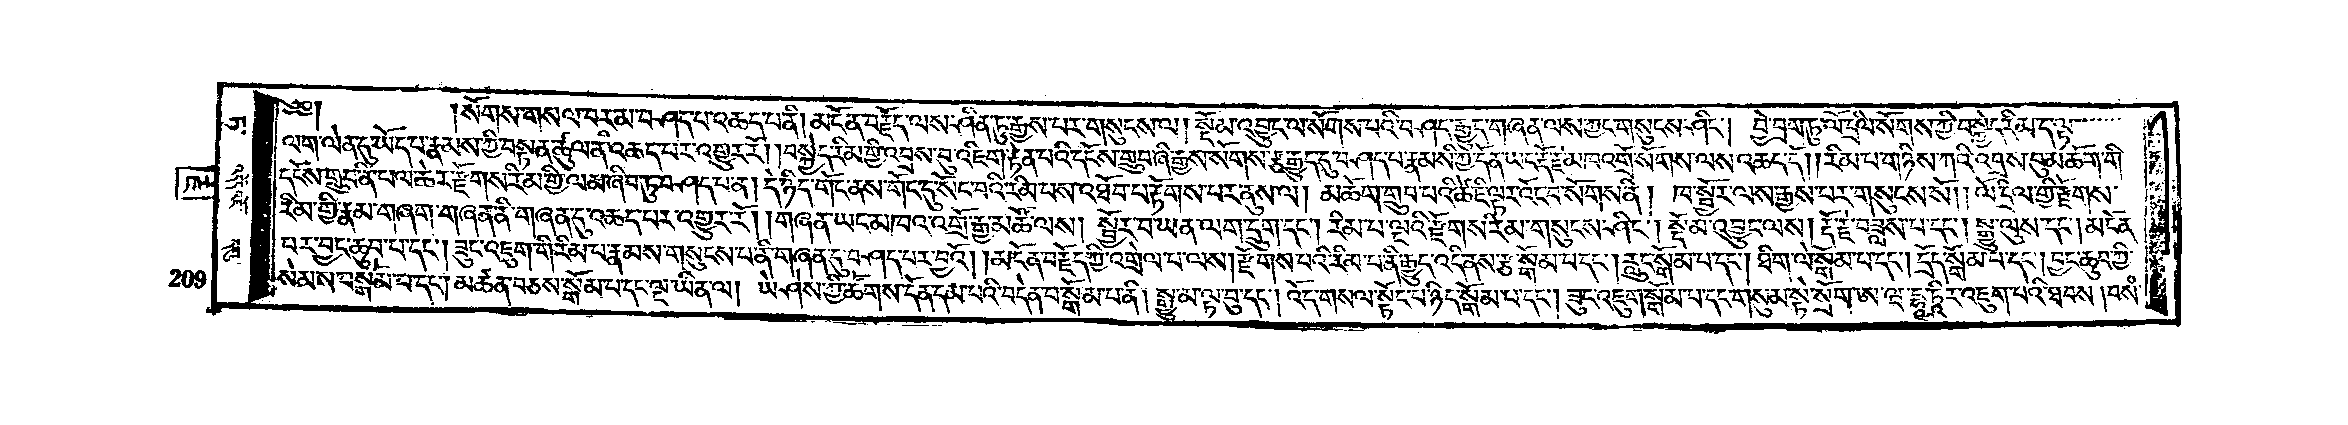༄༅། །སོགས་གསལ་བར་མ་བཤད་པ་འཆད་པ་ནི། མངོན་བརྗོད་ལས་ཤིན་ཏུ་རྒྱས་པར་གསུངས་ལ། སྡོམ་འབྱུང་ལ་སོགས་པའི་བཤད་རྒྱུད་གཞན་ལས་ཀྱང་གསུངས་ཤིང་། བྱེ་བྲག་ཏུ་ལོ་དྲིལ་སོགས་ཀྱི་བསྐྱེད་རིམ་ད་ལྟ་
ལག་ལེན་དུ་ཡོད་པ་རྣམས་ཀྱི་བསྟན་ཚུལ་ནི་འཆད་པར་འགྱུར་རོ། །བསྐྱེད་རིམ་གྱི་འབྲས་བུ་འཇིག་རྟེན་པའི་དངོས་གྲུབ་ཞི་རྒྱས་སོགས་རྩ་རྒྱུད་དུ་བཤད་པ་རྣམས་ཀྱི་དོན་ཡང་རྡོ་རྗེ་མཁའ་འགྲོ་སོགས་ལས་འཆད་དོ། །རིམ་པ་གཉིས་ཀའི་འབྲས་བུ་མཆོག་གི་
དངོས་གྲུབ་ནི་ཕལ་ཆེར་རྫོགས་རིམ་གྱི་ལམ་ཞིབ་ཏུ་བཤད་པ་ན། དེ་ཉིད་གོང་ནས་གོང་དུ་སོང་བའི་རིམ་པས་འཐོབ་པ་རྟོགས་པར་ནུས་ལ། མཆོག་གྲུབ་པའི་ཚེ་ཇི་ལྟར་འོང་བ་སོགས་ནི། ཁ་སྦྱོར་ལས་རྒྱས་པར་གསུངས་སོ། །ལོ་དྲིལ་གྱི་རྫོགས་
རིམ་གྱི་རྣམ་གཞག་གཞན་ནི་གཞན་དུ་འཆད་པར་འགྱུར་རོ། །གཞན་ཡང་མཁའ་འགྲོ་རྒྱ་མཚོ་ལས། སྦྱོར་བ་ཡན་ལག་དྲུག་དང་། རིམ་པ་ལྔའི་རྫོགས་རིམ་གསུངས་ཤིང་། སྡོམ་འབྱུང་ལས། རྡོ་རྗེ་བཟླས་པ་དང་། སྒྱུ་ལུས་དང་། མངོན་
པར་བྱང་ཆུབ་པ་དང་། ཟུང་འཇུག་གི་རིམ་པ་རྣམས་གསུངས་པ་ནི་གཞན་དུ་བཤད་པར་བྱའོ། །མངོན་བརྗོད་ཀྱི་འགྲེལ་པ་ལས། རྫོགས་པའི་རིམ་པ་ནི་རྒྱུད་འདི་ནས་རྩ་སྒོམ་པ་དང་། རླུང་སྒོམ་པ་དང་། ཐིག་ལེ་སྒོམ་པ་དང་། དྲོད་སྒོམ་པ་དང་། བྱང་ཆུབ་ཀྱི་
སེམས་བསྒོམ་པ་དང་། མཚན་བཅས་སྒོམ་པ་དང་ལྔ་ཡིན་ལ། ཡེ་ཤེས་ཀྱི་ཚོགས་དོན་དམ་པའི་བདེན་པ་སྒོམ་པ་ནི། སྒྱུ་མ་ལྟ་བུ་དང་། འོད་གསལ་སྟོང་པ་ཉིད་སྒོམ་པ་དང་། ཟུང་འཇུག་སྒོམ་པ་དང་གསུམ་སྟེ་སྲོག་ཨ་ཝ་དྷཱུ་ཏཱིར་འཇུག་པའི་ཐབས། བསཾ་